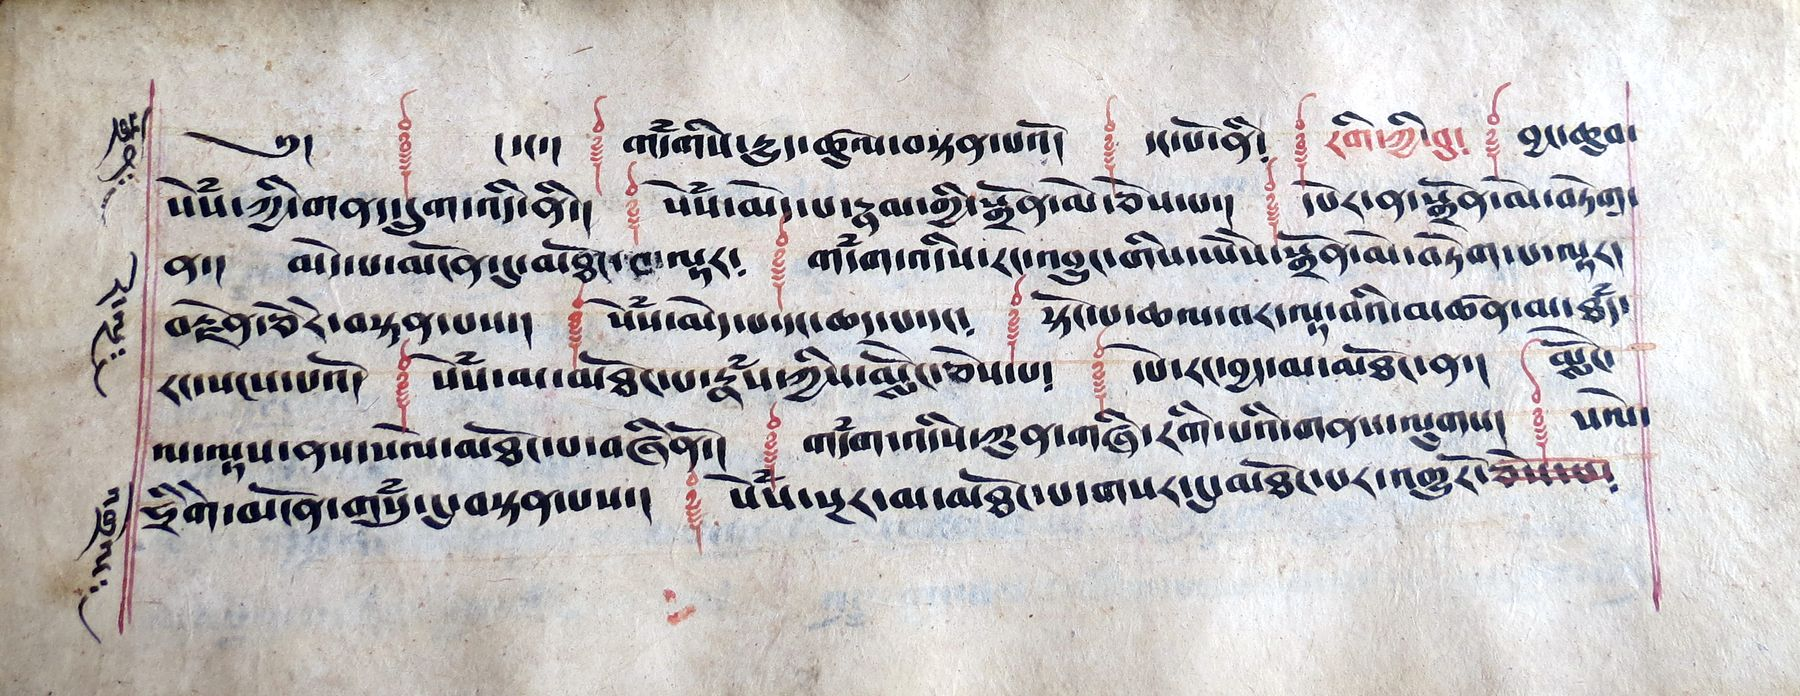དང་། གདམས་ངག་གི་བརྒྱུད་ཚུལ་བསྟན་པའོ། །དང་པོ་ནི་རིགས་ཀྱི་བུ། བྱང་ཆུབ་
སེམས་ཀྱི་གནད་དྲུག་འདི་ནི། སེམས་མེད་པ་རྣམས་ཀྱི་སྒྲོན་མེ། །ཞེས་པས། དཔེར་ན་སྒྲོན་མེ་བཏེག་
ན་། མེད་པ་མངོན་དུ་མཐོང་པ་ལྟར། གདམས་ངག་འདིས་རང་འབྱུང་གི་ཡེ་ཤེས་སྒྲོན་མེ་བཏེག་པ་ལྟར། 
བརྗེན་ཅེར་རེར་བསྟན་པས། སེམས་མེད་པ་དང་། ཆད་པ་དང་། སྟོང་པ་ཕྱལ་བར་ལྟ་བའི་མཚན་མ་ཐམས་ཅད་
རང་སངས་པའོ། །སེམས་མ་མཐོང་པ་རྣམས་ཀྱི་མེ་ལོང་། །ཞེས་པས། དཔེ་རང་བྱད་མ་མཐོང་ན། མེ་ལོང་
ལ་བལྟས་ནས་སལེ་མཐོང་པ་བཞིན་ནོ། །གདམས་ངག་འདིས་ཀུན་གཞི་རིག་པའི་གནས་ལུགས། སེལ་
ཧྲིག་གེར་མངོན་སུམ་དུ་བསྟན་པས། །ཞེས་སེམས་སྔར་མ་མཐོང་བ་གསར་དུ་མཐོང་བར་འགྱུར་རོ། །